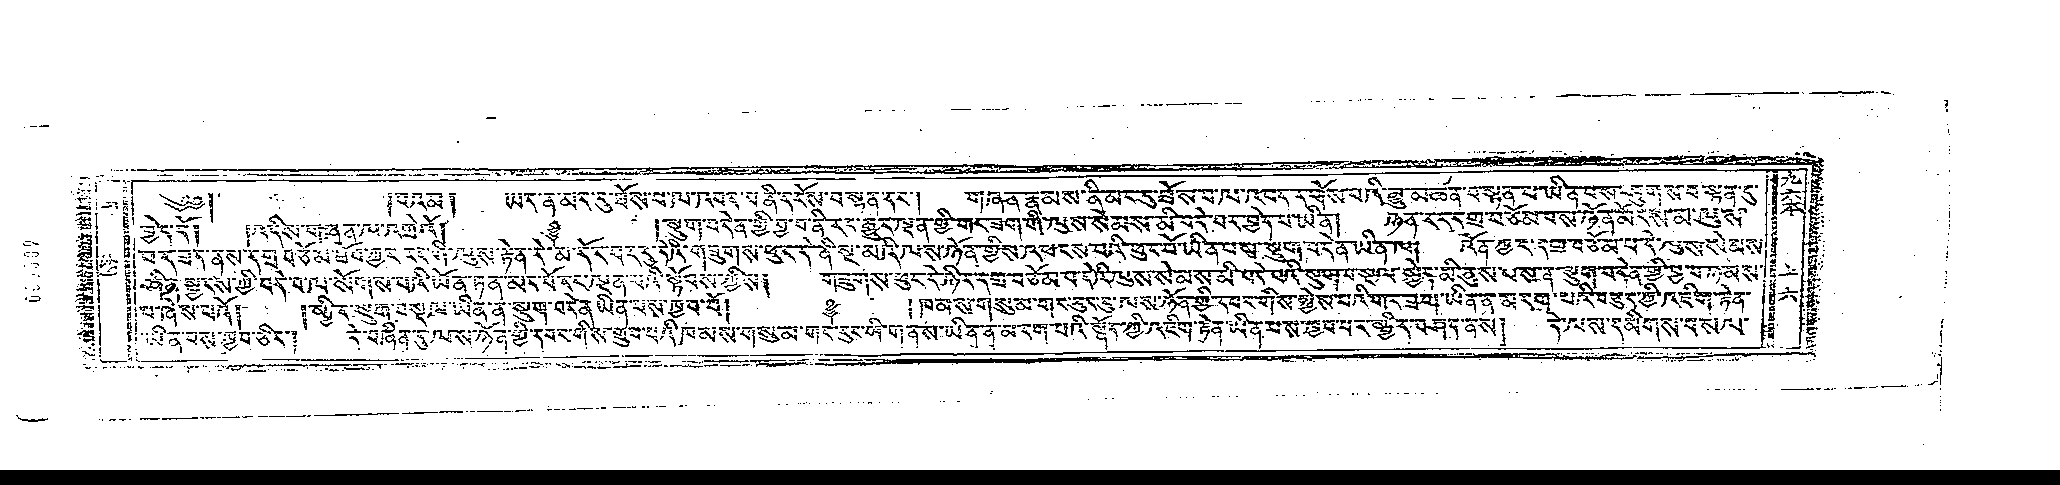༄༅། །པའམ། ཡང་ན་མང་དུ་ཐོས་པ་ལ་འབད་པ་ནི་དངོས་བསྟན་དང་། གཞན་རྣམས་ནི་མང་དུ་ཐོས་པ་ལ་འབད་དགོས་པའི་རྒྱུ་མཚན་བསྟན་པ་ཡིན་པས་ཤུགས་བསྟན་དུ
བྱེད་དོ། །འདིས་གཞན་ལ་འགྲེའོ། ༈ །སྡུག་བདེན་གྱི་བྱ་བ་ནི་རང་རྒྱུད་ལྡན་གྱི་གང་ཟག་གི་ལུས་སེམས་མི་བདེ་བར་བྱེད་པ་ཡིན། ཉན་རང་དགྲ་བཅོམ་པས་ཉོན་མོངས་མ་ལུས་
པར་ཟད་ནས་དགྲ་བཅོམ་ཐོབ་ཀྱང་རང་གི་ལུས་རྟེན་དེ་མ་དོར་བར་དུ་དེའི་གཟུགས་ཕུང་དེ་ནི་སྔ་མའི་ལས་ཉོན་གྱིས་འཕངས་པའི་ཕུང་པོ་ཡིན་པས་སྡུག་བདེན་ཡིན་ལ། འོན་ཀྱང་དགྲ་བཅོམ་པ་དེ་ལུས་སེམས་
ཤིན་སྦྱངས་ཀྱི་བདེ་བ་ལ་སོགས་པའི་ཡོན་ཏན་མང་པོ་དང་ལྡན་པའི་སྟོབས་ཀྱིས། གཟུགས་ཕུང་དེ་ཉིད་དགྲ་བཅོམ་པ་དེའི་ལུས་སེམས་མི་བདེ་བའི་སྡུག་བསྔལ་སྐྱེད་མི་ནུས་པས་ན་སྡུག་བདེན་གྱི་བྱ་བ་ཉམས་
པ་ཞེས་པའོ། །སྤྱིར་སྡུག་བསྔལ་ཡིན་ན་སྡུག་བདེན་ཡིན་བས་ཁྱབ་བོ། ༈ །ཁམས་གསུམ་གང་རུང་དུ་ལས་ཉོན་གྱི་དབང་གིས་སྐྱེས་པའི་གང་ཟག་ཡིན་ན་མ་དག་པའི་བཅུད་ཀྱི་འཇིག་རྟེན་
ཡིན་པས་ཁྱབ་ཅིང་། དེ་བཞིན་དུ་ལས་ཉོན་གྱི་དབང་གིས་གྲུབ་པའི་ཁམས་གསུམ་གང་རུང་གི་གནས་ཡིན་ན་མ་དག་པའི་སྣོད་ཀྱི་འཇིག་རྟེན་ཡིན་པས་ཁྱབ་པར་སྤྱིར་བཤད་ནས། དེ་ལས་དམིགས་བསལ་